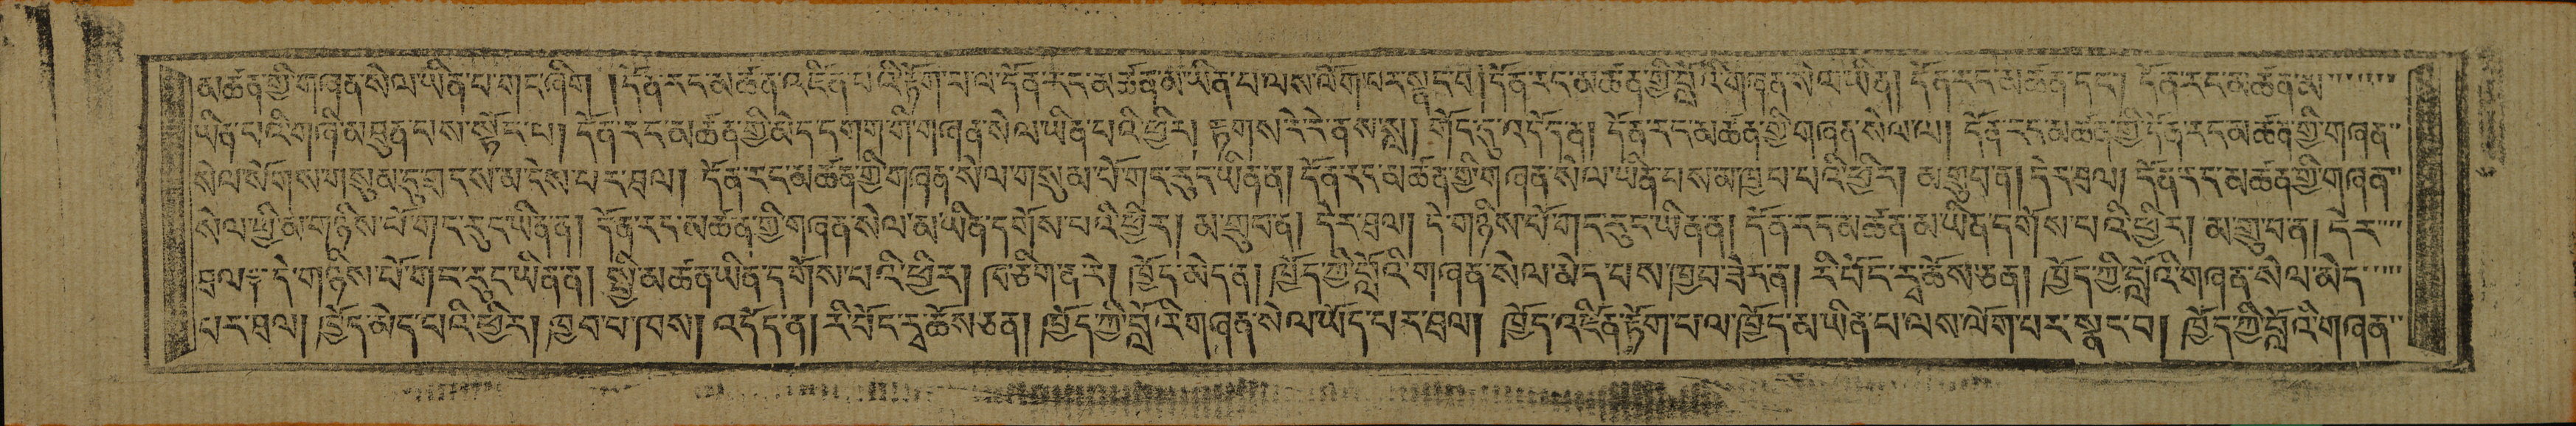མཚན་གྱི་གཞན་སེལ་ཡིན་པ་གང་ཞིག །དོན་རང་མཚན་འཛིན་པའི་རྟོག་པ་ལ་དོན་རང་མཚན་མ་ཡིན་པ་ལས་ལོག་པར་སྣང་བ། དོན་རང་མཚན་གྱི་བློའི་གཞན་སེལ་ཡིན། དོན་རང་མཚན་དང་། དོན་རང་མཚན་མ་
ཡིན་པའི་གཞི་མཐུན་པས་སྟོང་པ། དོན་རང་མཚན་གྱི་མེད་དགག་གི་གཞན་སེལ་ཡིན་པའི་ཕྱིར། རྟགས་རེ་རེ་ནས་སླ། གོང་དུ་འདོད་ན། དོན་རང་མཚན་གྱི་གཞན་སེལ་ལ། དོན་རང་མཚན་གྱི་དོན་རང་མཚན་གྱི་གཞན་
སེལ་སོགས་གསུམ་དུ་གྲངས་མ་ངེས་པར་ཐལ། དོན་རང་མཚན་གྱི་གཞན་སེལ་གསུམ་པོ་གང་རུང་ཡིན་ན། དོན་རང་མཚན་གྱི་གཞན་སེལ་ཡིན་པས་མ་ཁྱབ་པའི་ཕྱིར། མ་གྲུབ་ན། དེར་ཐལ། དོན་རང་མཚན་གྱི་གཞན་
སེལ་ཕྱི་མ་གཉིས་པོ་གང་རུང་ཡིན་ན། དོན་རང་མཚན་གྱི་གཞན་སེལ་མ་ཡིན་དགོས་པའི་ཕྱིར། མ་གྲུབ་ན། དེར་ཐལ། དེ་གཉིས་པོ་གང་རུང་ཡིན་ན། དོན་རང་མཚན་མ་ཡིན་དགོས་པའི་ཕྱིར། མ་གྲུབ་ན། དེར་
ཐལ༑ དེ་གཉིས་པོ་གང་རུང་ཡིན་ན། སྤྱི་མཚན་ཡིན་དགོས་པའི་ཕྱིར། ཁ་ཅིག་ན་རེ། ཁྱོད་མེད་ན། ཁྱོད་ཀྱི་བློའི་གཞན་སེལ་མེད་པས་ཁྱབ་ཟེར་ན། རི་བོང་རྭ་ཆོས་ཅན། ཁྱོད་ཀྱི་བློའི་གཞན་སེལ་མེད་
པར་ཐལ། ཁྱོད་མེད་པའི་ཕྱིར། ཁྱབ་པ་ཁས། འདོད་ན། རི་བོང་རྭ་ཆོས་ཅན། ཁྱོད་ཀྱི་བློ་རི་གཞན་སེལ་ཡོད་པར་ཐལ། ཁྱོད་འཛིན་རྟོག་པ་ལ་ཁྱོད་མ་ཡིན་པ་ལས་ལོག་པར་སྣང་བ། ཁྱོད་ཀྱི་བློའི་གཞན་